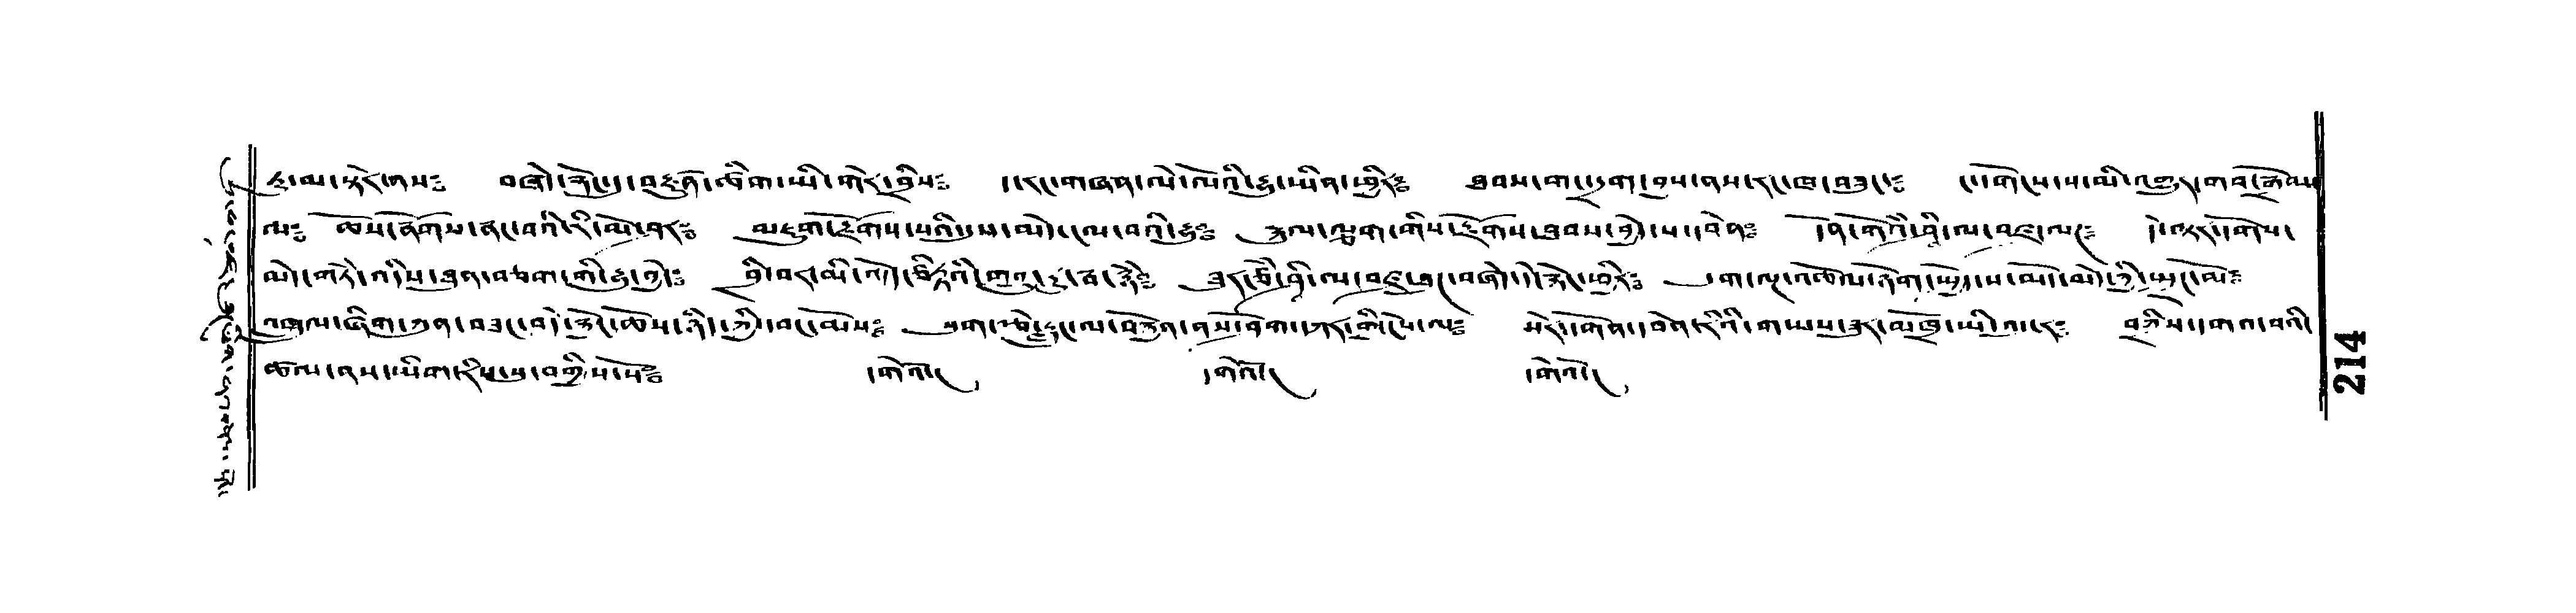ཏུ་མ་སྟེར་ནས༔ བཞེད་སྐོང་དུ་བརྫུན་ཚིག་ཡི་གེར་བྲིས༔ ད་རང་གཞན་ལེ་ལོའི་རྒྱུ་ཡིན་ཕྱིར༔ ཐབས་གང་དྲག་བྱས་ནས་རང་ཁ་བཟུང༔ ང་དགོངས་པ་མི་འགྱུར་གབ་སྒྲོམ་
ལ༔ ཆོས་སྣ་ཚོགས་སྣང་བའི་རི་མོ་ཤར༔ མཇུག་རྫོགས་པའི་དུས་མེད་ངལ་བའི་རྒྱུ༔ སྐུལ་ལྕག་གིས་རྗོགས་ཐབས་བྱེད་པ་དབེན༔ དོན་གོའམ་ཤཱི་ལ་བཛྲ་ལགས༔ དེ་ལྟར་དགོས་
མེད་གཏམ་འདིས་ཐུན་བཅག་གི་རྒྱུ་བྱེད། །བྲི་བར་མི་འདོད་ཙིཏྟའི་གྭའུ་རུ་སྦ་སྙམ། །ཟུར་ཙམ་ཤཱི་ལ་བཛྲ་ཐུགས་བཞེད་དེ་སྐོང་ཕྱིར། །དུག་ལྔ་འཆོལ་ཉོག་སྤྱོད་པ་མདོ་མེད་ཀྱི་སྤྲང་མོ། །
འཁྲུལ་ཞིག་ཀུན་བཟང་བདེ་སྐྱོང་ཆོས་ཉིད་ཀྱི་དབང་མོས། །སུག་རྩེ་རླུང་ལ་བསྐྱོན་ནས་ཤོག་དཀར་གྱི་ངོས་ལ། །སེར་དགོན་དབེན་རིའི་གཡས་ཟུར་མཁའ་འགྲོ་ཡི་འདུ་ར། །བཀྲ་ཤིས་དགའ་བའི་
ཚལ་ནས་ཡིག་རིས་སུ་བགྱིས་སོ།། དགེའོ།།